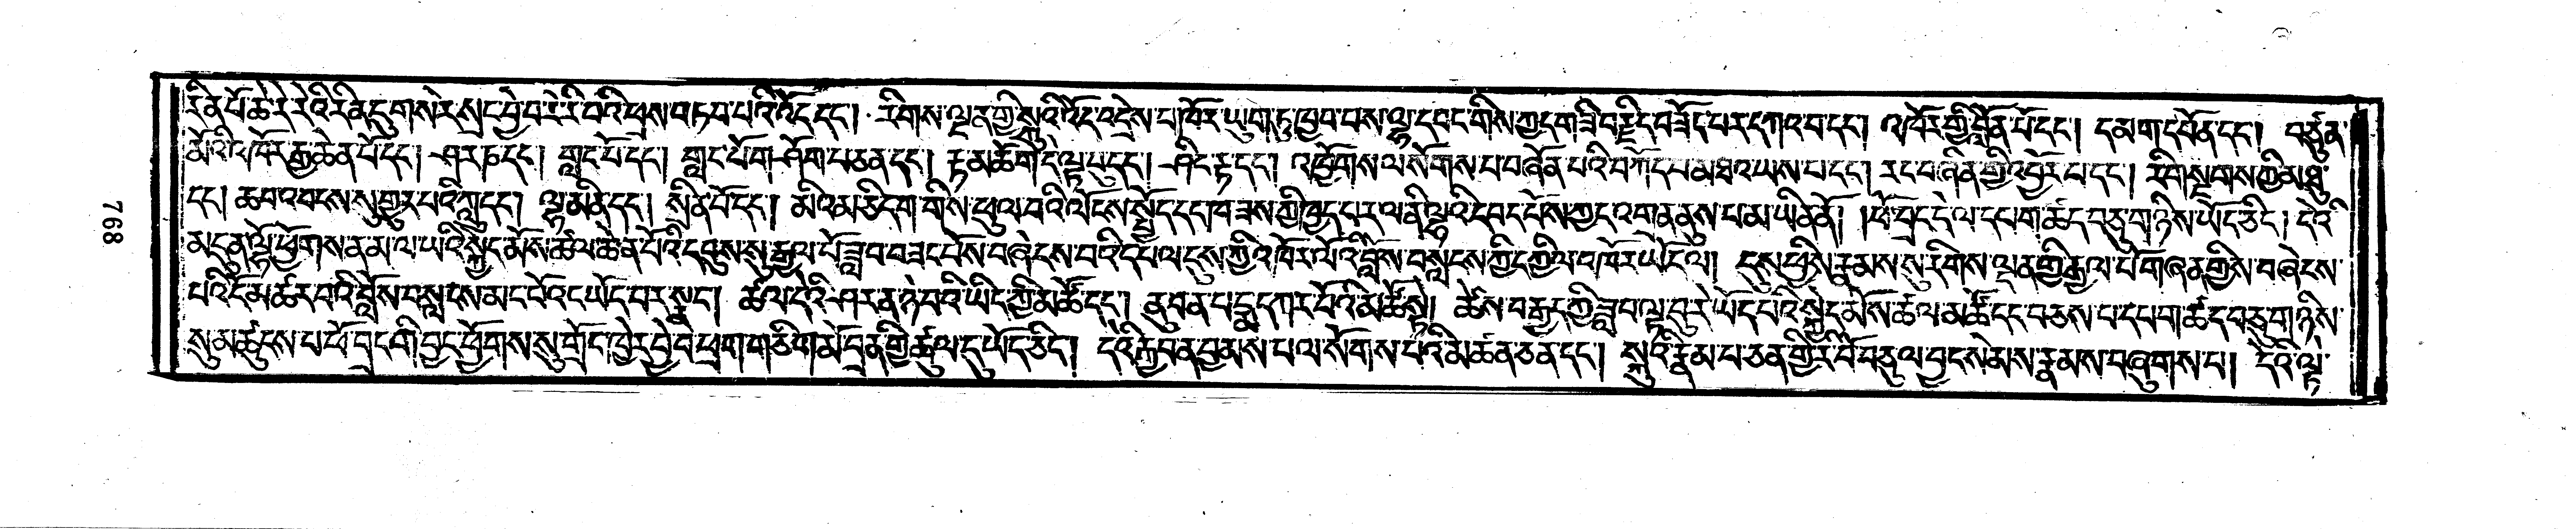རིན་པོ་ཆེ་རེ་རེའི་རིན་དུ་གསེར་སྲང་བྱེ་བ་རེ་རི་བའི་ཕྲས་བཏབ་པའི་འོད་དང་། རིགས་ལྔན་གྱི་སྐུའི་འོད་འདྲེས་པ་ཁོར་ཡུག་ཏུ་ཁྱབ་པས་ལྷ་དབང་གིས་ཀྱང་གཟི་བརྗིད་བཟོད་པར་དཀའ་བ་དང་། འཁོར་གྱི་བློན་པོ་དང་། དམག་དཔོན་དང་། བཙུན་
མོའི་འཁོར་རྒྱ་ཆེན་པོ་དང་། ཤར་ཎ་དང་། གླང་པོ་གཤོག་པ་ཅན་དང་། རྟ་མཆོག་དེ་ལྟ་པུ་དང་། ཤིང་རྟ་དད། འཁྱོགས་ལ་སོགས་པ་བཞོན་པའི་བཀོད་པ་མཐའ་ཡས་པ་དང་། རང་བཞིན་གྱི་འབྱོར་བ་དང་། རིག་སྔགས་ཀྱི་མཐུ་
དང་། ཆབ་འབངས་སུ་གྱུར་པའི་ཀླུ་དང་། ལྷ་མིན་དང་། སྲིན་བོ་དང་། མིའམ་ཅི་དག་གིས་ཕུལ་བའི་ལོངས་སྤྱོད་དང་ཁ་ཟས་ཀྱི་ཁྱད་པར་ལ་ནི་ལྷའི་དབང་པོས་ཀྱང་འགྲན་ནུས་པ་མ་ཡིན་ནོ། །ཕོ་བྲང་དེ་ལ་དཔག་ཚད་བཅུ་གཉིས་ཡོད་ཅིང་། དེའི་
མདུན་ལྷོ་ཕྱོགས་ན་མ་ལ་ཡའི་སྐྱེད་མོས་ཚལ་ཆེན་པོའི་དབུས་སུ་རྒྱལ་པོ་ཟླ་བ་བཟང་པོས་བཞེངས་པའི་དཔལ་དུས་ཀྱི་འཁོར་ལོའི་བློ་ས་བསླངས་ཀྱི་དཀྱིལ་འཁོར་ཡོད་ལ། དུས་ཕྱིས་རྣམས་སུ་རིགས་ལྡན་གྱི་རྒྱལ་པོ་གཞན་གྱིས་བཞེངས་
པའི་ངོ་མཚར་བའི་བློས་བསླངས་མང་པོའང་ཡོད་པར་སྣང་། ཚལ་དེའི་ཤར་ན་ཉེ་བའི་ཡིད་ཀྱི་མཚོ་དང་། ནུབ་ན་པདམ་དཀར་པོའི་མཚོ་སྟེ། ཚེས་བརྒྱད་ཀྱི་ཟླ་བ་ལྟ་བུ་རེ་ཡོད་པའི་སྐྱེད་མོས་ཚལ་མཚོ་དང་བཅས་པ་དཔག་ཚད་བཅུ་གཉིས་
སུ་མཚུངས་པ་ཕོ་བྲང་གི་བྱང་ཕྱོགས་སུ་གྲོང་ཁྱེར་བྱེ་བ་ཕྲག་གཅིག་མོ་བྲན་གྱི་ཚུལ་དུ་ཡོད་ཅིང་། དེའི་རྒྱབ་ན་བྱམས་པ་ལ་སོགས་པའི་མཚན་ཅན་དང་། སྐུའི་རྣམ་པ་ཅན་གྱི་རི་བོ་བཅུ་ལ་བྱང་སེམས་རྣམས་བཞུགས་པ། དེའི་ལྟེ་